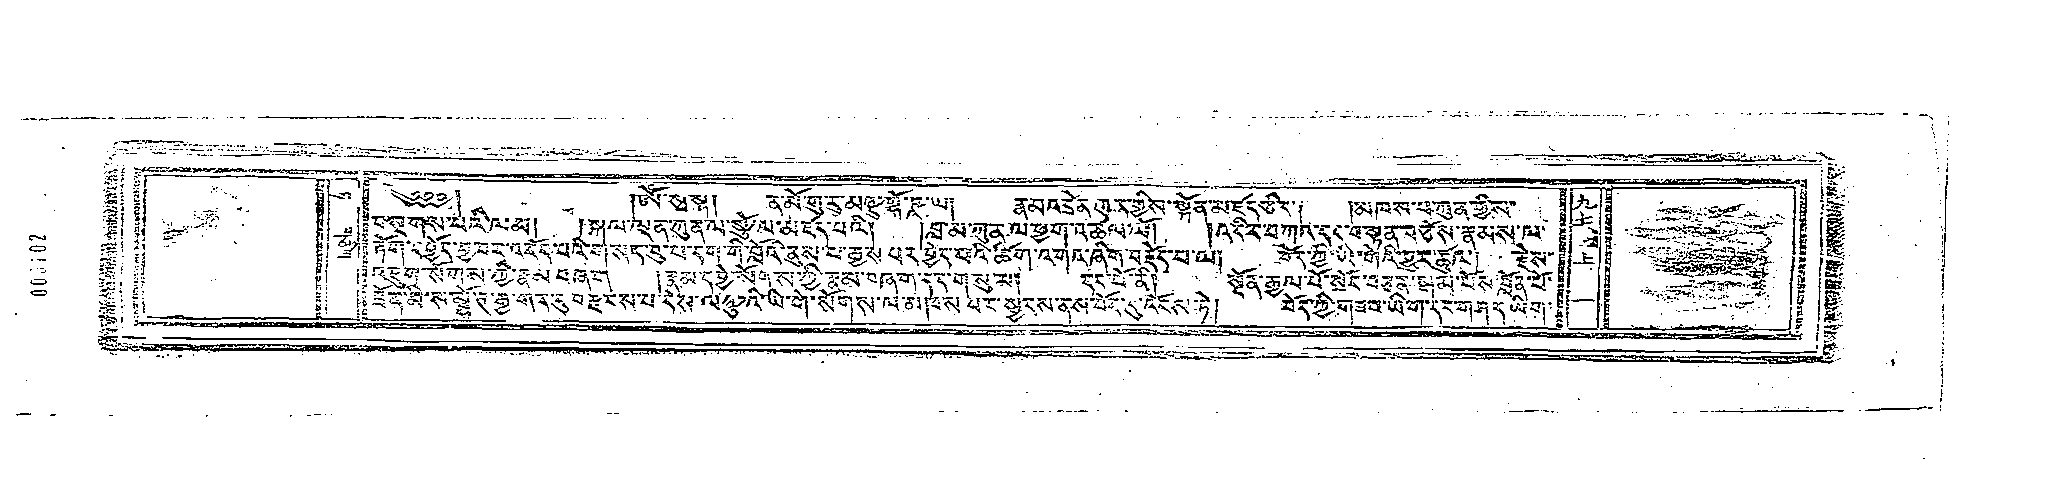༄༅༅། །ཨོཾ་སྭ་སྟི། ན་མོ་གུ་རུ་མཉྫུ་གྷོ་ཥཱ་ཡ། རྣམ་འདྲེན་ཀུན་གྱིས་སྟོན་མཛད་ཅིང་། །མཁས་པ་ཀུན་གྱིས་
བསྔགས་པའི་ལམ། །སྐལ་ལྡན་ཀུན་ལ་སྩོལ་མཛད་པའི། །བླ་མ་ཀུན་ལ་ཕྱག་འཚལ་ལོ། །འདིར་བཀའ་དང་བསྟན་བཅོས་རྣམས་ལ་
རྟོག་དཔྱོད་བྱ་བར་འདོད་པའི་གསར་བུ་པ་དག་གི་བློའི་ནུས་པ་རྒྱས་པར་བྱེད་པའི་ཚིག་འགའ་ཞིག་བརྗོད་བ་ལ། བོད་ཀྱི་ཡི་གེ་འབྱུང་ཚུལ། རྗེས་
འཇུག་སོགས་ཀྱི་རྣམ་བཞག །རྣམ་དབྱེ་སོགས་ཀྱི་རྣམ་བཞག་དང་གསུམ། དང་པོ་ནི། སྔོན་རྒྱལ་པོ་སྲོང་བཙན་སྒམ་པོས་བློན་པོ་
ཐོན་མི་སམྦྷོཊ་རྒྱ་གར་དུ་བརྫངས་པ་དེས་ལ་ཉྩའི་ཡི་གེ་སོགས་ལ་མཁས་པར་སྦྱངས་ནས་བོད་དུ་འོངས་ཏེ། བོད་ཀྱི་གཟབ་ཡིག་དང་གཤར་ཡིག་